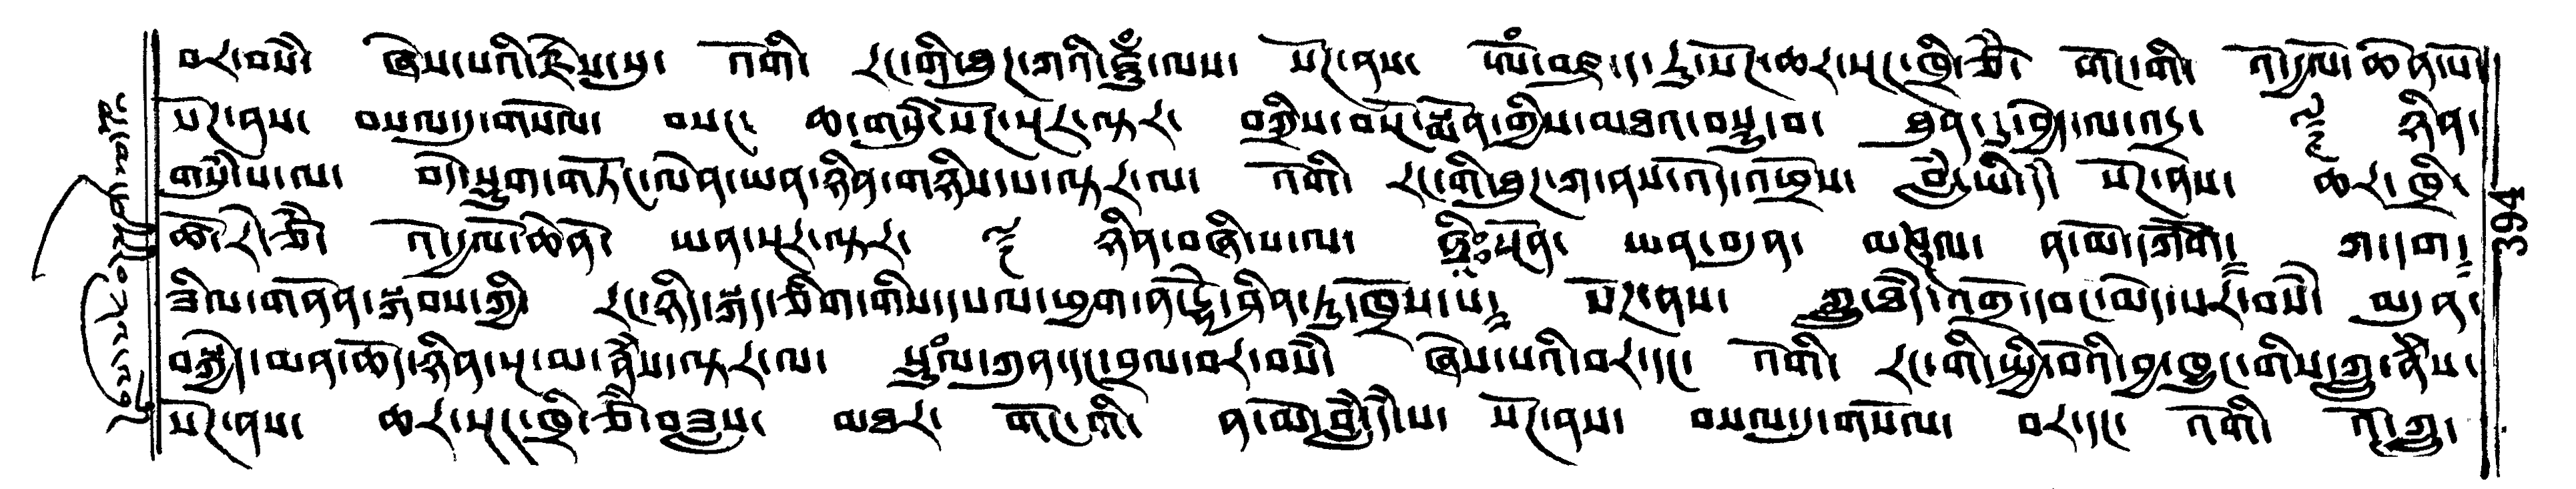བར་བསམ། ཞེས་པའི་རྗེས་སུ། འོག་ག ི རང་གི་ཐུགས་ཀའི་ཧཱུྃ་ལས༴ སོགས་ནས། ཨོཾ་བཛྲ་ད་རུ༴ སོགས་ཆར་སྔགས་ཁྲི་ཙམ། གོང་གི འོ། རྒྱལ་པོ་ཆེན་པོ༴ 
སོགས་ནས། བསལ་དུ་གསོལ། བསང་། ཆ་གསུམ་སོགས་སྔར་ལྟར། བཀྲ་ཤིས་བསྔོ་སྨོན་གྱིས་མཐའ་བསྡུ་བ། ཐུན་དུ་བྱེད་ལ་འདྲ། ༈ ཉིན་
གསུམ་པ་ལ། བདེ་སྡུག་གཏོང་ལེན་ཡན་ཉིན་གཉིས་པ་ལྟར་ལ། འོག་གི རང་གི་ཐུགས་ཀ་ནས་འོད་འཕྲོས། བླ་མ་ཡི་དམ༴ སོགས་ནས། ཆར་ཁྲི་
ཚོ་རེ་ཙམ། འོ། རྒྱལ་པོ་ཆེན་པོ༴ ཡན་སྔར་ལྟར། ༈ ཉིན་བཞི་པ་ལ། ཧྲཱིཿསྔོན༴ ཡན་བདུན། མཎྜལ། ན་མོ༔དཀོན་མཆོག༴ ཀ་དག༴ 
ཟིལ་གནོན་སྐབས་ཀྱི། རང་ཉིད་སྐད་ཅིག་གི་དཔལ་ཕྱག་ན་རྡོ་རྗེ་ཤིན་ཏུ་ཁྲོས་པ༴སོགས་ནས། ཀླུ་ཐམས་ཅད་འགྲོ་དབང་མེད་པར་བསམ། མདུན་
བསྐྱེད་མན་ཆོད་ཉིན་སྔ་མ་རྣམས་ལྟར་ལ། སྡུག་བསྔལ་ཀུན་དང་བྲལ་བར་བསམ། ཞེས་པའི་བར་དང་། འོག་གི རང་གི་སྤྱི་བོའི་བྱ་ཁྱུང་གིས་ཀླུ་རྣམས༴ 
སོགས་ནས། ཆར་སྔགས་ཁྲི་ཙམ་བཟླས། མཐར། གོང་ག ི ན་མོ། བླ་མ་དམ་པ༴ སོགས་ནས། བསལ་དུ་གསོལ། བར་དང་། འོག་ག ི འོ། ཀླུ་